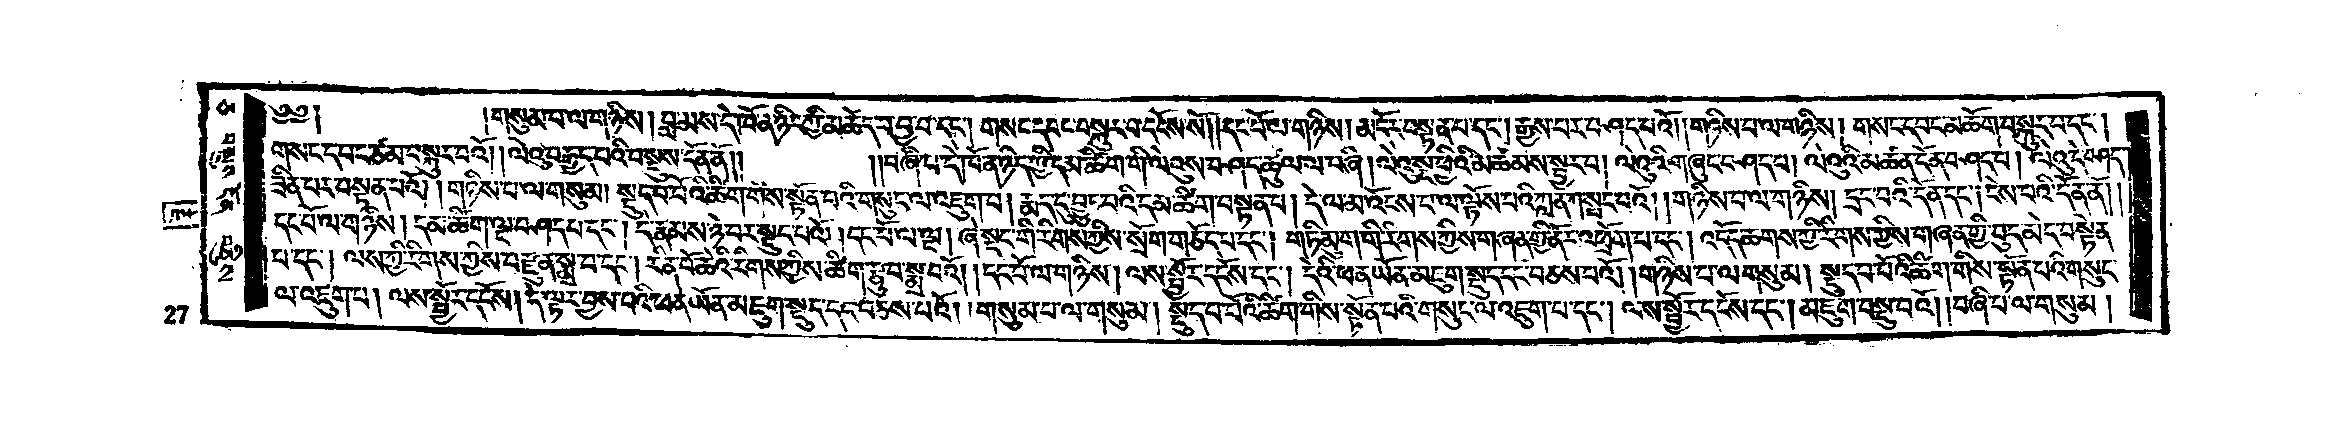༄༅། །གསུམ་པ་ལ་གཉིས། བླ་མས་དེ་ཁོ་ན་ཉིད་ཀྱི་མཆོད་པ་བྱ་བ་དང་། གསང་དབང་བསྐུར་བ་དངོས་སོ། །དང་པོ་ལ་གཉིས། མདོར་བསྟན་པ་དང་། རྒྱས་པར་བཤད་པའོ། །གཉིས་པ་ལ་གཉིས། གསང་དབང་མཆོག་བསྐུར་བ་དང་།
གསང་དབང་ཙམ་བསྐུར་བའོ། །ལེའུ་བརྒྱད་པའི་བསྡུས་དོན་ནོ།། །།བཞི་པ་དེ་ཁོ་ན་ཉིད་ཀྱི་དམ་ཚིག་གི་ལེའུས་བཤད་ཚུལ་ལ་བཞི། ལེའུ་སྔ་ཕྱིའི་མཚམས་སྦྱར་བ། ལེའུའི་གཞུང་བཤད་པ། ལེའུའི་མཚན་དོན་བཤད་པ། ལེའུ་དེ་བཤད་
ཟིན་པར་བསྟན་པའོ། །གཉིས་པ་ལ་གསུམ། སྡུད་པ་པོའི་ཚིག་གིས་སྟོན་པའི་གསུང་ལ་འཇུག་པ། རྨད་དུ་བྱུང་བའི་དམ་ཚིག་བསྟན་པ། དེ་ལ་མ་འོངས་པ་ལ་ལྟོས་པའི་ཀླན་ཀ་སྤང་བའོ། །གཉིས་པ་ལ་གཉིས། དྲང་བའི་དོན་དང་། ངེས་པའི་དོན་ནོ། །
དང་པོ་ལ་གཉིས། དམ་ཚིག་ལྔ་བཤད་པ་དང་། དེ་རྣམས་ཉེ་བར་སྡུད་པའོ། །དང་པོ་ལ་ལྔ། ཞེ་སྡང་གི་རིགས་ཀྱིས་སྲོག་གཅོད་པ་དང་། གཏི་མུག་གི་རིགས་ཀྱིས་གཞན་གྱི་ནོར་འཕྲོག་པ་དང་། འདོད་ཆགས་ཀྱི་རིགས་ཀྱིས་གཞན་གྱི་བུད་མེད་བསྟན་
པ་དང་། ལས་ཀྱི་རིགས་ཀྱིས་བརྫུན་སྨྲ་བ་དང་། རིན་པོ་ཆེའི་རིགས་ཀྱིས་ཚིག་རྩུབ་སྨྲ་བའོ། །དང་པོ་ལ་གཉིས། ལས་སྦྱོར་དངོས་དང་། དེའི་ཕན་ཡོན་མཇུག་སྡུད་དང་བཅས་པའོ། །གཉིས་པ་ལ་གསུམ། སྡུད་པ་པོའི་ཚིག་གིས་སྟོན་པའི་གསུང་
ལ་འཇུག་པ། ལས་སྦྱོར་དངོས། དེ་ལྟར་བྱས་པའི་ཕན་ཡོན་མཇུག་སྡུད་དང་བཅས་པའོ། །གསུམ་པ་ལ་གསུམ། སྡུད་པ་པོའི་ཚིག་གིས་སྟོན་པའི་གསུང་ལ་འཇུག་པ་དང་། ལས་སྦྱོར་དངོས་དང་། མཇུག་བསྡུ་བའོ། །བཞི་པ་ལ་གསུམ།